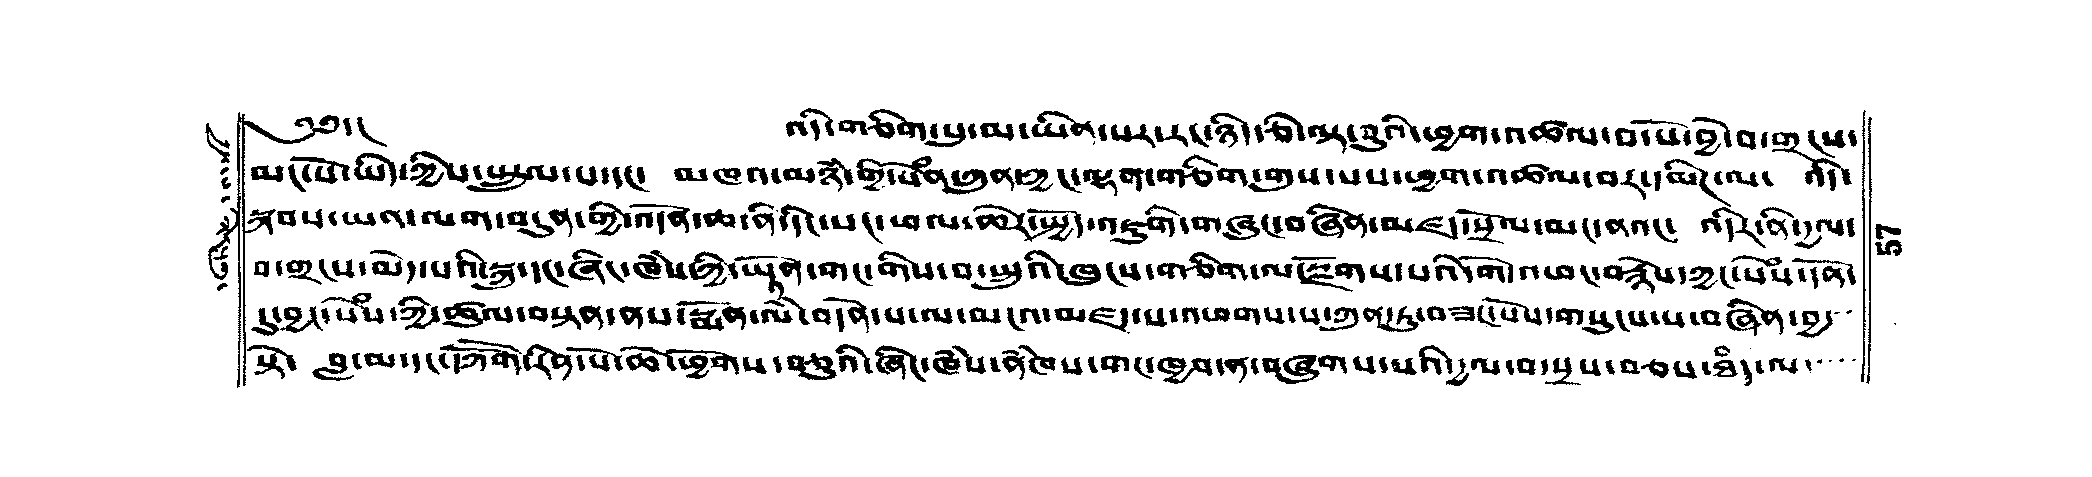འདི་གཅིག་པུ་མ་ཡིན་པར་རང་ཉིད་ཅི་ལྟ་བུའི་ཕྱག་འཚལ་བ་པོ་བྱེ་བ་གྲངས་
མང་པོ་ཡིད་ཀྱིས་སྤྲུལ་པ་དང་། མཁའ་མཉམ་གྱི་སེམས་ཅན་ཀུན་ཀྱང་ལྷག་གཅིག་གུས་པས་ཕྱག་འཚལ་བར་དམིགས་ལ། འདི་
སྐབས་ཡན་ལག་བདུན་གྱི་འདོན་ཆ་ནི་དིང་སང་ཕལ་ཆེར་སྤྱོད་འཇུག་གི་གཞུང་བཞིན་མཛད་སྲོལ་མང་ནའང་། འདིར་ནི་རྒྱལ་
བ་གྲངས་མེད་པའི་སྐུ་དང་ཞིང་ཁམས་ཀྱི་ཡོན་ཏན་གང་གིས་བ་སྤུའི་ཁུངས་གཅིག་ལ་རྫོགས་པའི་གོ་འཕང་བརྙེས་ཀྱང་སེམས་དོན་
དུ་བྱང་སེམས་ཀྱི་ཚུལ་བསྟན་ནས་སྨོན་ལམ་བདེན་པ་ལ་མངའ་མཛད་པ་འཕགས་པ་ཀུན་ཏུ་བཟང་པོས་གསུངས་པ་བཞིན་བྱ་
སྟེ། བླ་མ་དང་དཀོན་མཆོག་རིན་པོ་ཆོ་ཕྱོགས་བཅུའི་ཞིང་ཁམས་ནམ་མཁས་གང་ཁྱབ་ན་བཞུགས་པའི་རྒྱལ་བ་སྲས་བཅས་ཐམས་ཅད་ལ་